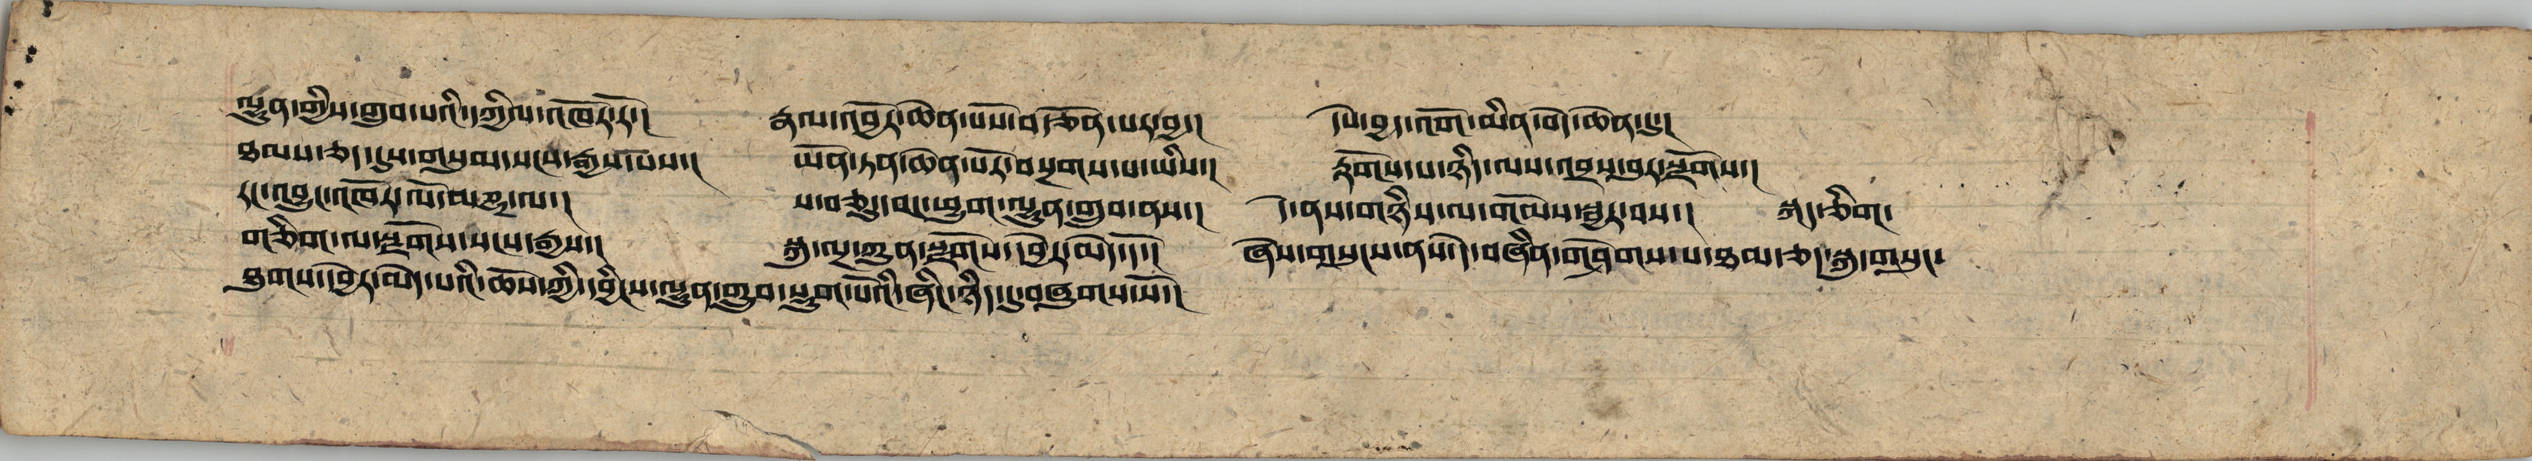ལྷུན་གྱིས་གྲུབ་པའི་དཀྱིལ་འཁོར་རོ་། རྣལ་འབྱོར་ཆེན་པོས་བརྩོན་པར་བྱ་། དཔེ་བྱད་འོག་མིན་བདེ་ཆེན་དུ་
ཐམས་ཅད་དུས་གསུམ་སངས་རྒྱས་པས་། ཡོན་ཏན་ཆེན་པོར་བསྔགས་པ་ཡིས་། རྟོགས་པ་ཉིད་ལས་འབྲས་བུར་སྫོགས་།
རང་འབྱུང་འཁོར་ལོ་མཎྜ་ལ་། ས་བཅུ་དབང་ཕྱུག་ལྷུན་གྲུབ་ནས་། དེ་ནས་གཉིས་ལ་གོམས་སྦྱར་བས་། སྐད་ཅིག་
གཅིག་ལ་སྫོགས་སངས་རྒྱས་། སྐུ་ལྔ་ཀུན་སྫོགས་དབྱེར་མེད་དོ་། ཞེས་གསུངས་ནས་དེ་བཞིན་གཤེགས་པ་ཐམས་ཅད་སྐུ་གསུང་
ཐུགས་དབྱེར་མེད་པའི་ཆོས་ཀྱི་དབྱིངས་ལྷུན་གྲུབ་སྡུག་པོའི་ཞིང་ཉིད་དུ་བཞུགས་སོ་།